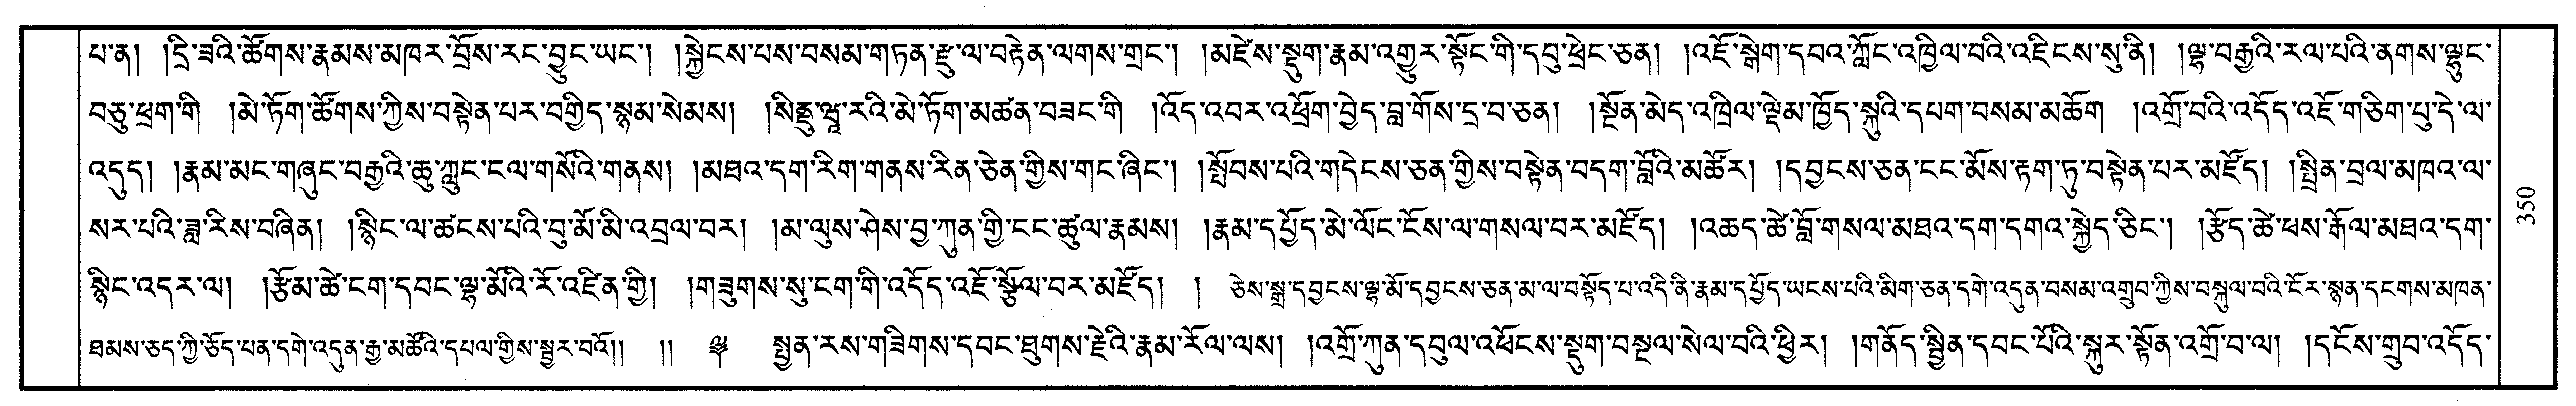པ་ན། །དྲི་ཟའི་ཚོགས་རྣམས་མཁར་བྲོས་རང་བྱུང་ཡང་། །སྐྱེངས་པས་བསམ་གཏན་རྫུ་ལ་བརྟེན་ལགས་གྲང་། །མཛེས་སྡུག་རྣམ་འགྱུར་སྟོང་གི་དབུ་ཕྲེང་ཅན། །འཇོ་སྒེག་དབའ་ཀློང་འཁྱིལ་བའི་འཇིངས་སུ་ནི། །ལྷ་བརྒྱའི་རལ་པའི་ནགས་ལྷུང་
བཅུ་ཕྲག་གི །མེ་ཏོག་ཚོགས་ཀྱིས་བསྟེན་པར་བགྱིད་སྙམ་སེམས། །སིནྡྷུ་ཝཱ་རའི་མེ་ཏོག་མཚན་བཟང་གི །འོད་འབར་འཕྲོག་བྱེད་བླ་གོས་དྲ་བ་ཅན། །སྔོན་མེད་འཁྲིལ་ལྡེམ་ཁྱོད་སྐུའི་དཔག་བསམ་མཆོག །འགྲོ་བའི་འདོད་འཇོ་གཅིག་པུ་དེ་ལ་
འདུད། །རྣམ་མང་གཞུང་བརྒྱའི་ཆུ་ཀླུང་ངལ་གསོའི་གནས། །མཐའ་དག་རིག་གནས་རིན་ཅེན་གྱིས་གང་ཞིང་། །སྤོབས་པའི་གདེངས་ཅན་གྱིས་བསྟེན་བདག་བློའི་མཚོར། །དབྱངས་ཅན་ངང་མོས་རྟག་ཏུ་བསྟེན་པར་མཛོད། །སྤྲིན་བྲལ་མཁའ་ལ་
སར་པའི་ཟླ་རིས་བཞིན། །སྙིང་ལ་ཚངས་པའི་བུ་མོ་མི་འབྲལ་བར། །མ་ལུས་ཤེས་བྱ་ཀུན་གྱི་ངང་ཚུལ་རྣམས། །རྣམ་དཔྱོད་མེ་ལོང་ངོས་ལ་གསལ་བར་མཛོད། །འཆད་ཚེ་བློ་གསལ་མཐའ་དག་དགའ་སྐྱེད་ཅིང་། །རྩོད་ཚེ་ཕས་རྒོལ་མཐའ་དག་
སྙིང་འདར་ལ། །རྩོམ་ཚེ་ངག་དབང་ལྷ་མོའི་རོ་འཛིན་གྱི། །གཟུགས་སུ་ངག་གི་འདོད་འཇོ་སྩོལ་བར་མཛོད། །ཅེས་སྒྲ་དབྱངས་ལྷ་མོ་དབྱངས་ཅན་མ་ལ་བསྟོད་པ་འདི་ནི་རྣམ་དཔྱོད་ཡངས་པའི་མིག་ཅན་དགེ་འདུན་བསམ་འགྲུབ་ཀྱིས་བསྐུལ་བའི་ངོར་སྙན་དངགས་མཁན་
ཐམས་ཅད་ཀྱི་ཅོད་པན་དགེ་འདུན་རྒྱ་མཚོའི་དཔལ་གྱིས་སྦྱར་བའོ།། །། ༈ སྤྱན་རས་གཟིགས་དབང་ཐུགས་རྗེའི་རྣམ་རོལ་ལས། །འགྲོ་ཀུན་དབུལ་འཕོངས་སྡུག་བསྔལ་སེལ་བའི་ཕྱིར། །གནོད་སྦྱིན་དབང་པོའི་སྐུར་སྟོན་འགྲོ་བ་ལ། །དངོས་གྲུབ་འདོད་